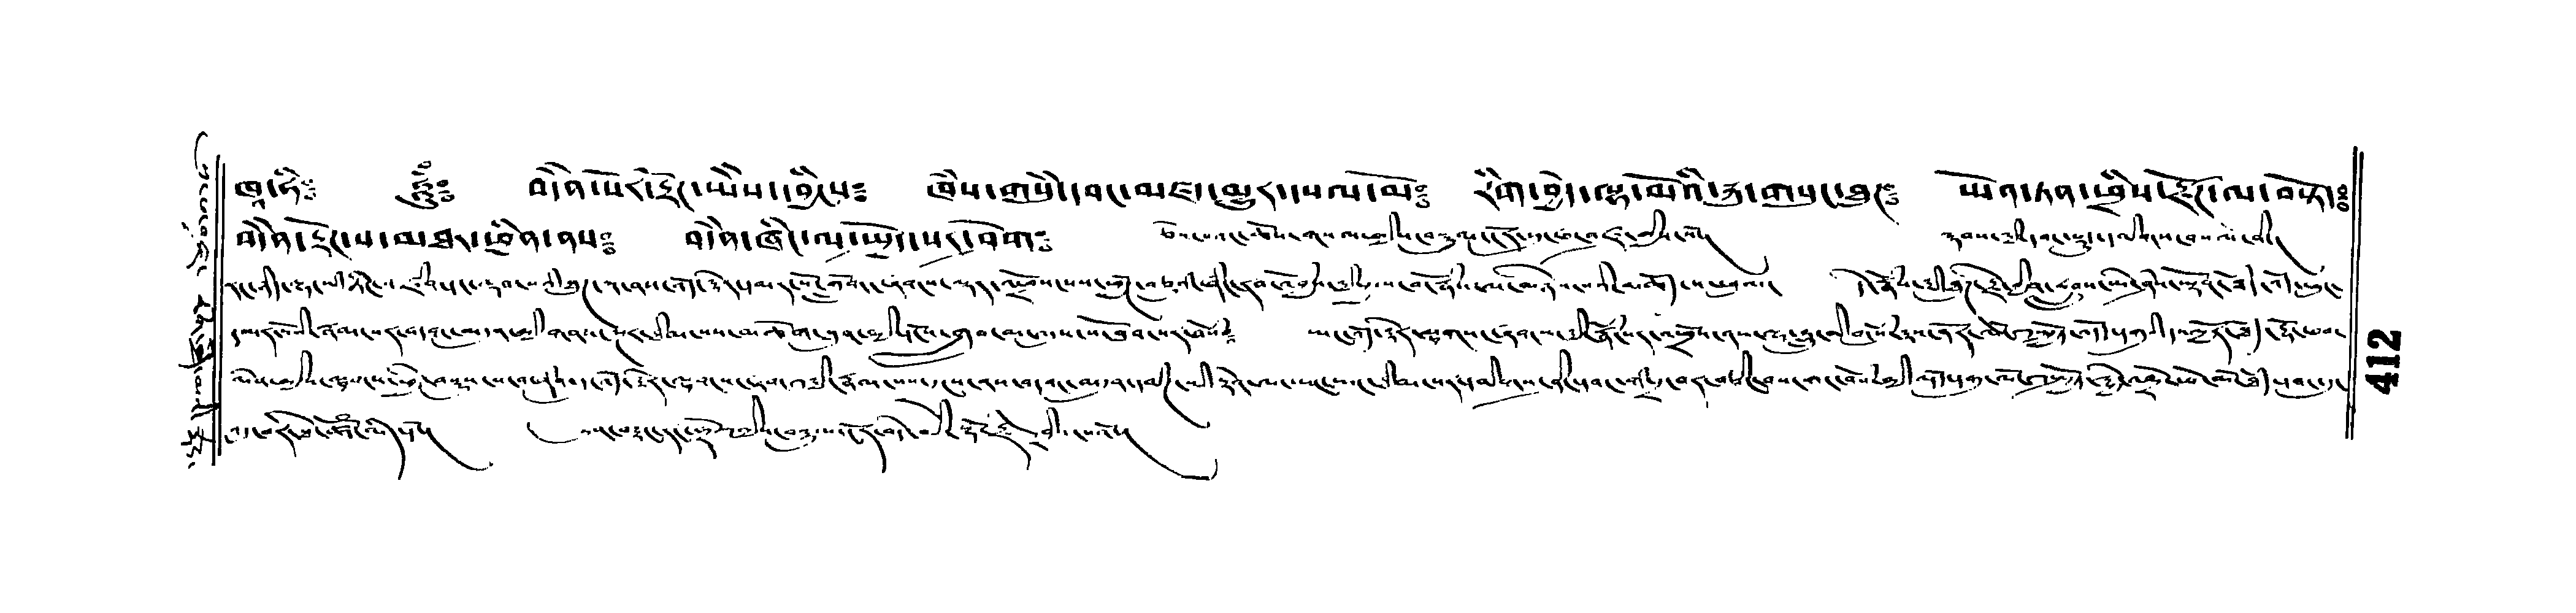ཁཱ་ཧིཿ ཧཱུྃ༔ བདེ་ཆེན་སོར་རྟོགས་ཡེ་ཤེས་དབྱིངས༔ ཁམས་གསུམ་དབང་མཛད་མྱུར་དཔལ་མོ༔ རིག་བྱེད་ལྷ་མོའི་སྐུ་གསུང་ཐུགས༔ ཡོན་ཏན་ཕྲིན་ལས་རྫོགས་ལ་བསྟོད༔ 
བདེ་ཆེན་རྟོགས་པ་མཐར་ཕྱིན་ནས༔ བདེ་ཆེན་ཞིང་ལ་སྤྱོད་པར་ཤོག༔ ཅེས་པའང་ཆོས་གསལ་གྱིས་བསྐུལ་ངོར་སུ་ཁ་བཛྲ་གྱིས་སོ།། སྐབས་ཀྱི་དབང་བསྡུད་དམིགས་བསལ་ནི། 
རང་ཉིད་ལྷ་ཡི་ཏིང་འཛིན་དང་ལྡན་པའི་ཐུགས་ཀ་ནས་འོད་ཟེར་དམར་པོ་གློག་ཞགས་ལྟར་འཕྲོས་པས་ཕྱོགས་བཅུའི་ཞིང་རབ་འབྱམས་ཀྱི་རྒྱལ་བ་རྣམས་ལ་མཉེས་པའི་མཆོད་པ་ཕུལ། དེ་རྣམས་ཀྱི་ཐུགས་རྗེ་བྱིན་རླབས་ཡེ་ཤེས་ཡོན་ཏན་ཐམས་ཅད་འོད་ཕུང་
དམར་པོའི་རྣམ་པར་བདག་མདུན་གྱི་གནས་ལྔར་ཐིམ་པས་མཆོག་ཐུན་གྱི་དངོས་གྲུབ་མ་ལུས་པ་ཐོབ་པར་བསམ། ཡང་འོད་ཟེར་ལྕགས་ཞགས་ཀྱི་རྣམ་པར་འཕྲོས་ནས་ལྷ་ཀླུ་མི་གསུམ་ཟས་ནོར་ལོངས་སྤྱོད་འདོད་དགུའི་དཔལ་འབྱོར་ཐམས་ཅད་རྡོ་ཁབ་
ལེན་གྱིས་ལྕགས་ཕྱེ་བསྡུས་པ་བཞིན་དུ་འོད་ཟེར་ལྕགས་ཞགས་ཀྱི་རྣམ་པས་དྲངས་ནས་བདག་མདུན་དམིགས་པའི་རྟེན་ལ་ཡང་ཡང་ཐིམ་པར་དམིགས་ཤིང་དབང་གི་དྲྭ་བར་བཅིངས་བས་གང་བསམ་གྱི་འདོད་དགུ་ལོངས་སྤྱོད་སྐྱེ་འགྲོ་ཕོ་མོ་ཐམས་ཅད་དབང་དུ་
འདུ་བར་ཐེ་ཚོམ་མེད་དོ།། ཀུན་བཟང་རང་གྲོལ་གྱིས་བསྐུལ་ངོར་བདེ་བའི་རྡོ་རྗེས་བྲིས་པའོ།